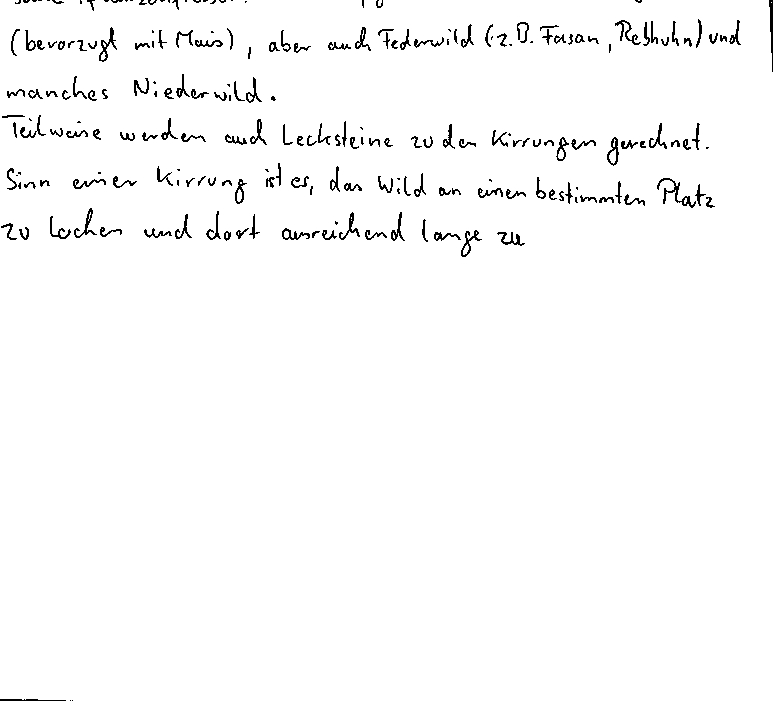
(bevorzugt mit Mais), aber auch Federwild (z. B. Fasan, Rebhuhn) und
manches Niederwild.
Teilweise werden auch Lecksteine zu den Kirrungen gerechnet.
Sinn einer Kirrung ist es, das Wild an einen bestimmten Platz
zu locken und dort ausreichend lange zu
